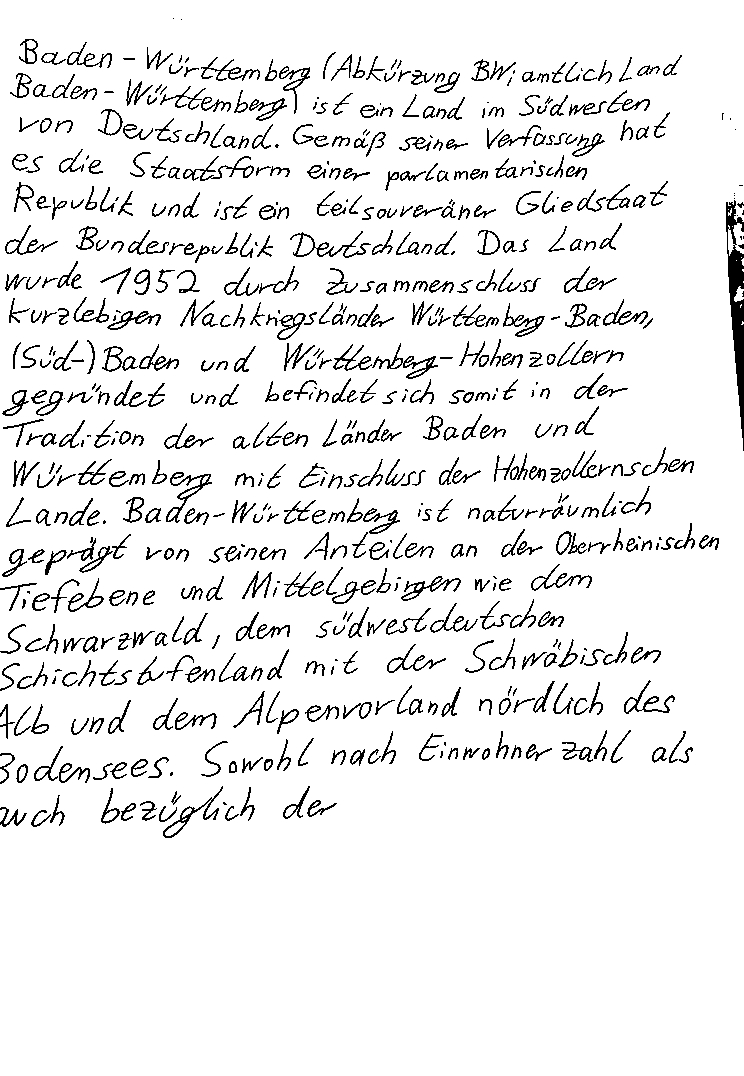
Baden-Württemberg (Abkürzung BW; amtlich Land
Baden-Württemberg) ist ein Land im Südwesten
von Deutschland. Gemäß seiner Verfassung hat
es die Staatsform einer parlamentarischen
Republik und ist ein teilsouveräner Gliedstaat
der Bundesrepublik Deutschland. Das Land
1952 durch Zusammenschluss der
kurzlebigen Nachkriegsländer Württemberg-Baden,
(Süd-)Baden und Württemberg-Hohenzollern
gegründet und befindet sich somit in der
Tradition der alten Länder Baden und
Württemberg mit Einschluss der Hohenzollernschen
Lande. Baden-Württemberg ist naturräumlich
geprägt von seinen Anteilen an der Oberrheinischen
Tiefebene und Mittelgebirgen wie dem
Schwarzwald, dem südwestdeutschen
Schichtstufenland mit der Schwäbischen
Alb und dem Alpenvorland nördlich des
Bodensees. Sowohl nach Einwohnerzahl als
auch bezüglich der
